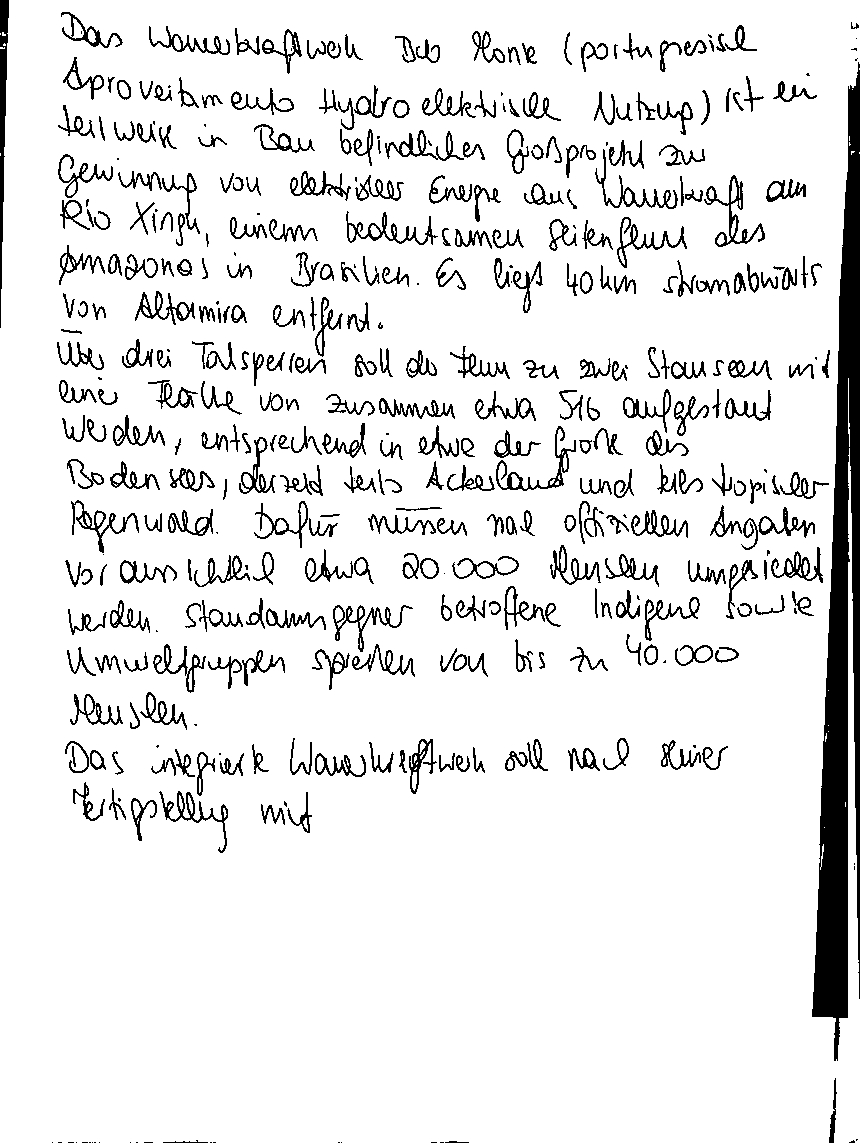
Das Wasserkraftwerk Belo Monte (portugiesisch
Aproveitamento Hydroelektrische Nutzung) ist ein
teilweise in Bau befindliches Großprojekt zur
Gewinnung von elektrischer Energie aus Wasserkraft am
Rio Xingu, einem bedeutsamen Seitenfluss des
Amazonas in Brasilien. Es liegt 40 km stromabwärts
von Altamira entfernt.
Über drei Talsperren soll der Fluss zu zwei Stauseen mit
einer Fläche von zusammen etwa 516 aufgestaut
werden, entsprechend in etwa der Größe des
Bodensees, derzeit teils Ackerland und teils tropischer
Regenwald Dafür müssen nach offiziellen Angaben
voraussichtlich etwa 20.000 Menschen umgesiedelt
werden. Staudammgegner betroffene Indigene sowie
Umweltgruppen sprechen von bis zu 40.000
Menschen.
Das integrierte Wasserkraftwerk soll nach seiner
Fertigstellung mit
